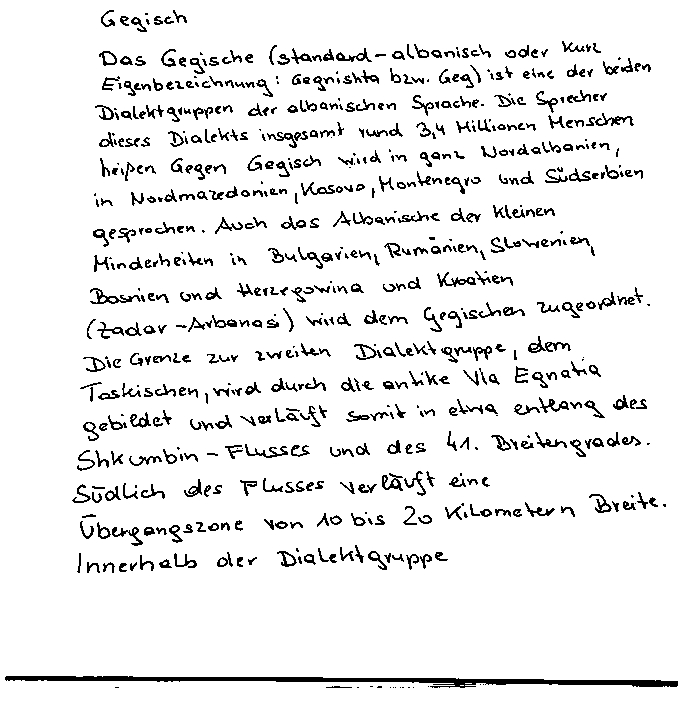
Gegisch
Das Gegische (standard-albanisch oder kurz
Eigenbezeichnung: Gegnishtja bzw. Geg) ist eine der beiden
Dialektgruppen der albanischen Sprache. Die Sprecher
dieses Dialekts insgesamt rund 3,4 Millionen Menschen
heißen Gegen Gegisch wird in ganz Nordalbanien,
in Nordmazedonien, Kosovo, Montenegro und Südserbien
gesprochen. Auch das Albanische der kleinen
Minderheiten in Bulgarien, Rumänien, Slowenien,
Bosnien und Herzegowina und Kroatien
(Zadar-Arbanasi) wird dem Gegischen zugeordnet.
Die Grenze zur zweiten Dialektgruppe, dem
Toskischen, wird durch die antike Via Egnatia gebildet
gebildet und verläuft somit in etwa entlang des
Shkumbin-Flusses und des 41. Breitengrades.
Südlich des Flusses verläuft eine
Übergangszone von 10 bis 20 Kilometern Breite.
Innerhalb der Dialektgruppe
